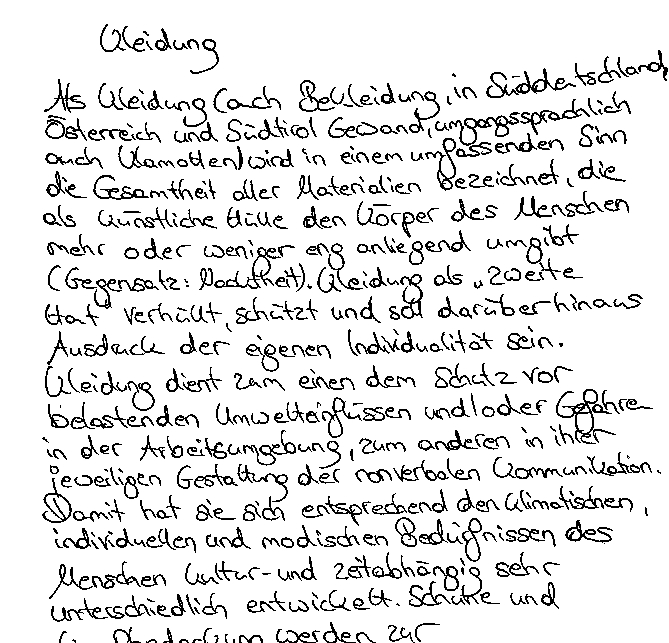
Kleidung
Als Kleidung (auch Bekleidung, in Süddeutschland,
Österreich und Südtirol Gewand, umgangssprachlich
auch Klamotten) wird in einem umfassenden Sinn
die Gesamtheit aller Materialien bezeichnet, die
als künstliche Hülle den Körper des Menschen
mehr oder weniger eng anliegend umgibt
(Gegensatz: Nacktheit). Kleidung als "zweite
Haut" verhüllt, schützt und soll darüber hinaus
Ausdruck der eigenen Individualität sein.
Kleidung dient zum einen dem Schutz Vor
belastenden Umwelteinflüssen und oder Gefahren
in der Arbeitsumgebung, zum anderen in ihrer
jeweiligen Gestaltung der nonverbalen Kommunikation.
Damit hat sie sich entsprechend den klimatischen,
individuellen und modischen Bedürfnissen des
Menschen kultur- und zeitabhängig sehr
unterschiedlich entwickelt. Schuhe und
Kopfbedeckungen werden zur
